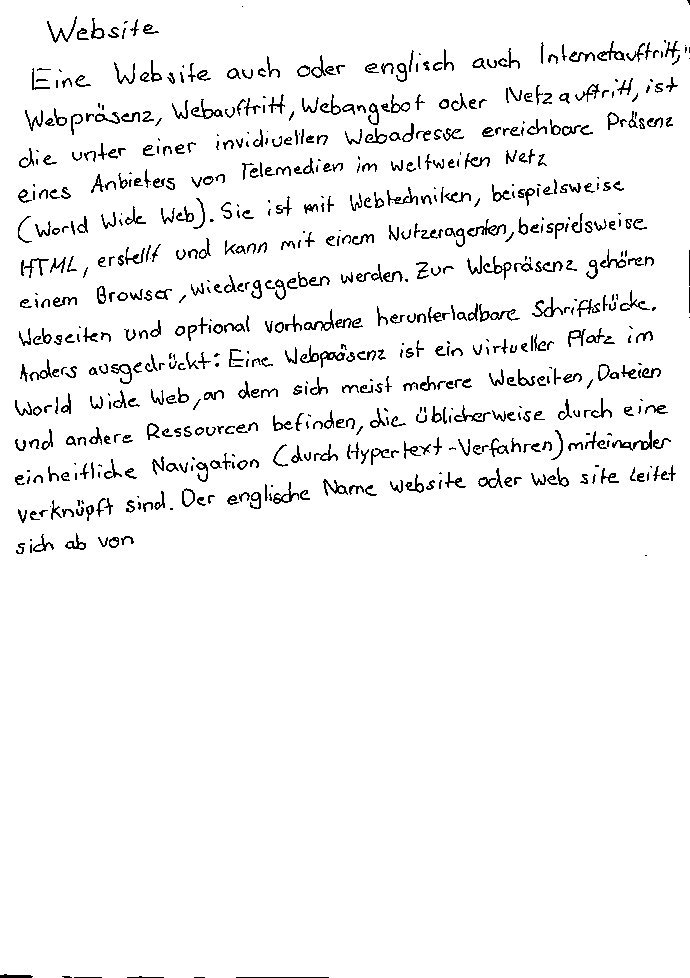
Website
Eine Website auch oder englisch auch Internetauftritt,"
Webpräsenz, Webauftritt, Webangebot oder Netzauftritt, ist
die unter einer individuellen Webadresse erreichbare Präsenz
eines Anbieters von Telemedien im weltweiten Netz
( World Wide Web ). Sie ist mit Webtechniken, beispielsweise
HTML, erstellt und kann mit einem Nutzeragenten, beispielsweise
einem Browser wiedergegeben werden. zur Webpräsenz gehören
Webseiten und optional vorhandene herunterladbare Schriftstücke.
Anders ausgedrückt: Eine Webpräsenz ist ein virtueller Platz im
World Wide Web, an dem sich meist mehrere Webseiten, Dateien
und andere Ressourcen befinden, die Üblicherweise durch eine
einheitliche Navigation ( durch Hypertext- Verfahren) miteinander
verknüpft sind. Der englische Name Website oder Web Site leitet
sich ab von
